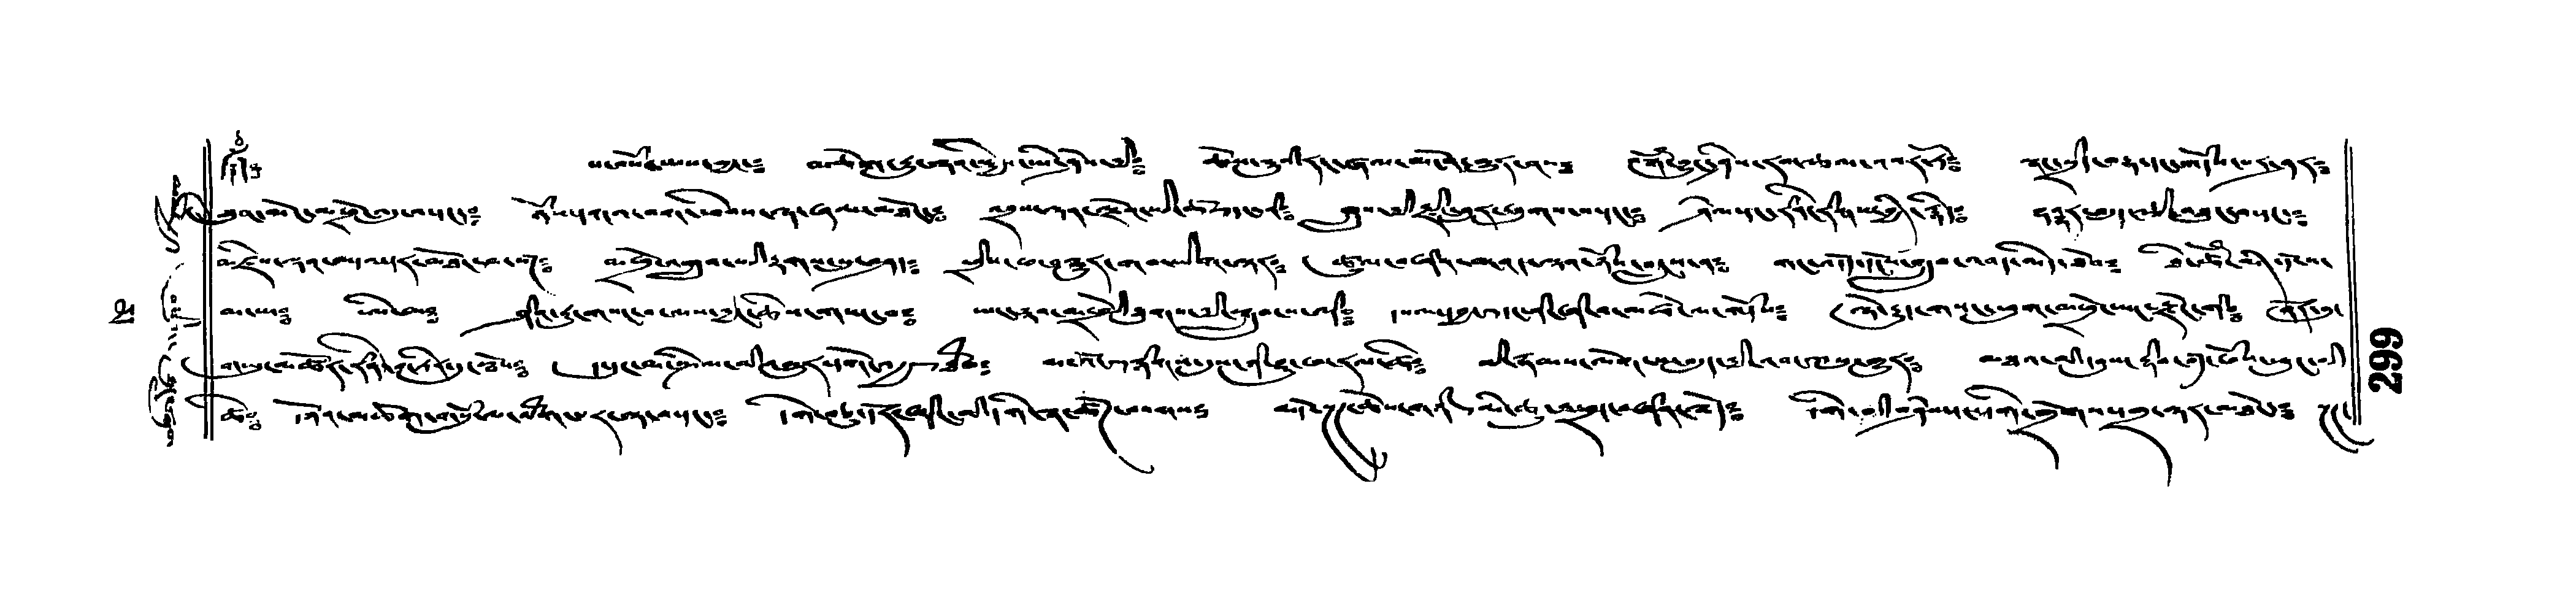པ་བསམ་ཡས་ཀྱང༔ མཆོག་ཏུ་ལྷན་སྐྱེས་ཡེ་ཤེས་ཀྱི༔ ཆོས་སྐུའི་རང་ཞལ་མངོན་གྱུར་ནས༔ བསྒོམ་བྱུང་ཤེས་རབ་རྩལ་འབར་ཏེ༔ སྣང་སྲིད་བརྡ་དང་གདམས་པར་ཤར༔ 
ཐུན་མོང་མཁའ་འགྲོ་འདུ་བ་དང༔ ཉམས་དགའ་བག་ཕེབས་ལྷ་ཞལ་མཐོང༔ འབྲས་ལྡན་ལྗོན་པའི་ཚལ་དང་ནི༔ ཁྲུས་ཀྱི་རྫིང་བུར་ཞུགས་པ་དང༔ ཤེལ་དང་རིན་ཆེན་རིགས་བྱེད་རྙེད༔ བྷནྡྷར་འདུད་རྩི་འཐུང་བ་དང༔ 
མཛེས་ལྡན་མདའ་དར་མཐོང་བ་སོགས༔ མཁའ་འགྲོ་འགྲུབ་པའི་རྟགས་སུ་བཤད༔ ཕྲིན་ལས་ཁ་བསྒྱུར་གབ་ཡིག་ལྟར༔ ཚུལ་བཞིན་གནད་ལྡན་ཉམས་བླངས་ན༔ གང་འདོད་དངོས་གྲུབ་འབད་མེད་ཐོབ༔ ཐེ་ཚོམ་མེད་དོ་ས་
མ་ཡ༔ ཨེ་མ༔ ཤིན་ཏུ་གསང་བ་ལས་ཀྱང་ཆེས་གསང་བ༔ ཡང་ཟབ་མཁའ་འགྲོའི་ཐུགས་ཀྱི་སྒྲུབ་པ་འདི༔ དཔལ་དབྱངས་དང་ནི་ཞི་བ་མཚོ་ལ་གདམས༔ ལྷོ་རྒྱུད་གསང་ཕུག་མཁའ་འགྲོ་ཡང་རྫོང་གི༔ ནོར་བུ་
གཡུ་མཚོར་རིན་ཆེན་གཏེར་དུ་སྦོས༔ ད་དུང་མ་སྤེལ་མི་འགྱུར་དགོངས་རྒྱས་ཐོབ༔ མ་འོངས་སྙིགས་དུས་ཉི་ཤུ་ཁ་རལ་ཚེ༔ མི་རྣམས་ལོག་པ་བདུད་ཀྱི་འབངས་སུ་གྱུར༔ མཐའ་མི་དབུས་རྡིབ་བོད་ཁམས་ཕུང་བའི་
ཚེ༔ དཀོན་མཆོག་གསུམ་ལ་ལོག་པར་ལྟ་བ་དང༔ དགེ་བཅུ་དོར་ཞིང་མི་དགེ་སྣ་ཚོགས་གསོག༔ མདོ་སྔགས་ཆོས་གཉིས་མེ་ཆུ་འཕྲད་བཞིན་སྨོད༔ དགེ་བའི་བཤེས་དང་དགེ་གྲོགས་དགྲ་ལྟར་མཐོང༔ སྔགས་